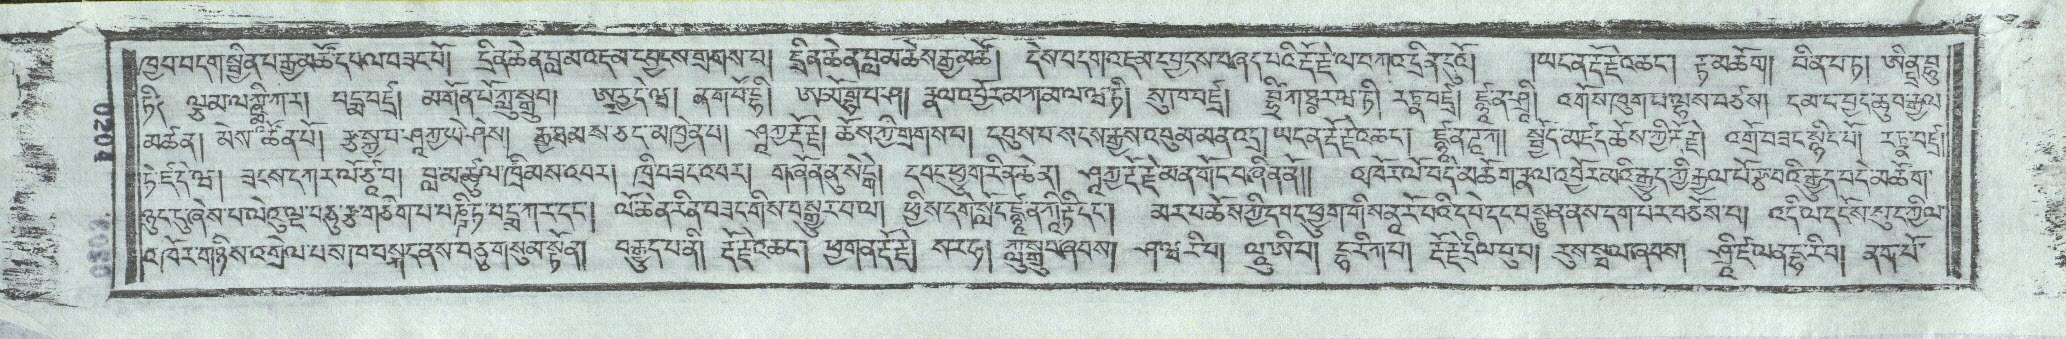ཁྱབ་བདག་སྦྱིན་པ་རྒྱ་མཚོ་དཔལ་བཟང་པོ། དྲིན་ཆེན་བླ་མ་འཇམ་དབྱངས་གྲགས་པ། དྲིན་ཆེན་བླ་མ་ཆོས་རྒྱ་མཚོ། དེས་བདག་འཇམ་དབྱངས་བཞད་པའི་རྡོ་རྗེ་ལ་བཀའ་དྲིན་དུའོ། །ཡང་ན་རྡོ་རྗེ་འཆང་། རྟ་མཆོག། བི་ན་པ་ཏ། ཨིནྡྲ་བྷུ་
ཏི༑ ལྕམ་ལ་ཀྵྨི་ཀ་ར། པདམ་བྫྲ། མགོན་པོ་ཀླུ་སྒྲུབ། ཨཱརྱ་དེ་ཝ། ནག་བོ་དྷི། ཨ་མོ་གྷ་པ་ཤ། རྣལ་འབྱོར་མ་ཀ་མ་ལ་ཝ་ཏི། སུ་ཁ་བྫྲ། བྷྲི་ཀ་ཐར་ཝ་ཏི། རཏྣ་བྫྲ། ཛྙཱ་ན་ཤྲཱི། འགོས་ཁུག་པ་ལྷས་བཙས། དམ་པ་བྱང་ཆུབ་རྒྱལ་
མཚན། མེས་ཚོན་པོ། རྩ་སྐྱ་པ་ཤཱཀྱ་ཡེ་ཤེས། རྒྱ་ཐམས་ཅད་མཁྱེན་པ། ཤཱཀྱ་རྡོ་རྗེ། ཆོས་ཀྱི་གྲགས་པ། དབུས་པ་སངས་རྒྱས་འབུམ་མན་འདྲ། ཡང་ན་རྡོ་རྗེ་འཆང་། ཛྙཱ་ན་ཌཱ་ཀ། སྤྱོད་མཛད་ཆོས་ཀྱི་རྡོ་རྗེ། འགྲོ་བཟང་སྙིང་པོ། རཏྣ་བྫྲ།
ཏ་ཛ་དེ་ཝ། ཟངས་དཀར་ལོ་ཙཱ་བ། བླ་མ་ཚུལ་ཁྲིམས་འབར། ཁྲི་བཟང་འབར། གཞོན་ནུ་སེངྒེ། དབང་ཕྱུག་རིན་ཆེན། ཤཱཀྱ་རྡོ་རྗེ་མན་གོང་བཞིན་ནོ།། འཁོར་ལོ་བདི་མཆོག་རྣལ་འབྱོར་མའི་རྒྱུད་ཀྱི་རྒྱལ་པོ་རྩ་བའི་རྒྱུད་བདེ་མཆོག་
ཉུད་དུ་ཞེས་པ་ལེའུ་ལྔ་བཅུ་རྩ་གཅིག་པ་པཎྜི་ཏ་པདམ་ཀ་ར་དང་། ལོ་ཆེན་རིན་བཟང་གིས་བསྒྱུར་བ་ལ། ཕྱིས་དགེ་སློང་ཛྙཱ་ན་ཀཱི་རྟི་དང་། མར་པ་ཆོས་ཀྱི་དབང་ཕྱུག་གིས་ནཱ་རོ་བའི་དཔེ་དང་བསྟུན་ནས་དག་པར་བཅོས་པ། འདི་ལ་དངོས་སུ་དཀྱིལ་
འཁོར་གཉིས་འགྲེལ་པས་ཁ་བསྐད་ནས་བཅུ་གསུམ་སྟོན། བརྒྱུད་པ་ནི། རྡོ་རྗེ་འཆང་། ཕྱག་ན་རྡོ་རྗེ། ས་ར་ཧ། ཀླུ་སྒྲུབ་ཞབས། ཤ་ཝ་རི་པ། ལཱུ་ཨི་པ། དྷ་རི་ཀ་པ། རྡོ་རྗེ་དྲིལ་བུ་པ། རུས་སྦལ་ཞབས། ཤྲཱི་ཛ་ལན་དྷ་རི་བ། ནག་པོ་